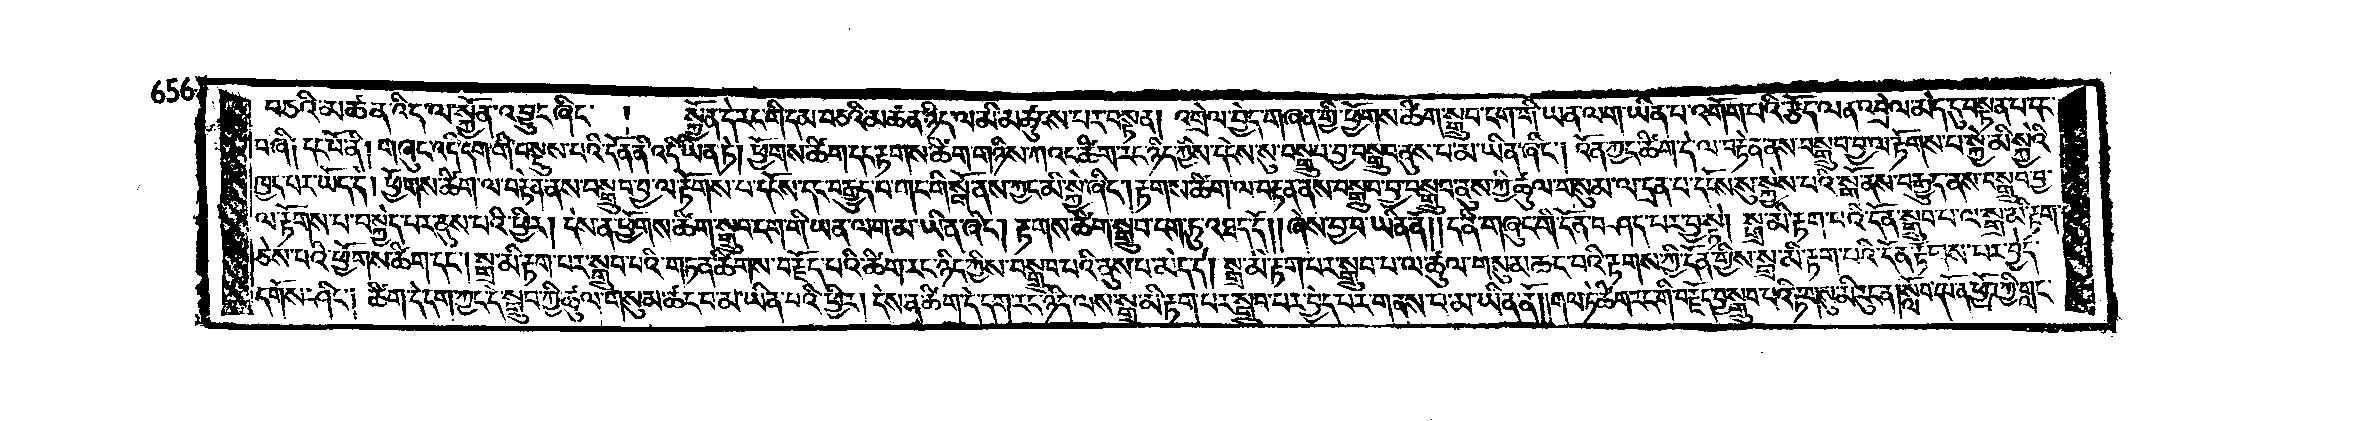བཅའི་མཚན་འདི་ལ་སྐྱོན་འབྱུང་ཞིང་། སྐྱོན་དེ་རང་གི་དམ་བཅའི་མཚན་ཉིད་ལ་མི་མཚུངས་པར་བསྟན། འགྲེལ་བྱེད་གཞན་གྱི་ཕྱོགས་ཚིག་སྒྲུབ་ངག་གི་ཡན་ལག་ཡིན་པ་འགོག་པའི་རྩོད་ལན་འབྲེལ་མེད་དུ་བསྟན་པ་དང་
བཞི། དང་པོ་ནི། གཞུང་འདི་དག་གི་བསྡུས་པའི་དོན་ནི་འདི་ཡིན་ཏེ། ཕྱོགས་ཚིག་དང་རྟགས་ཚིག་གཉིས་ཀའང་ཚིག་རང་ཉིད་ཀྱིས་དངོས་སུ་བསྒྲུབ་བྱ་བསྒྲུབ་ནུས་པ་མ་ཡིན་ཞིང་། འོན་ཀྱང་ཚིག་དེ་ལ་བརྟེན་ནས་བསྒྲུབ་བྱ་ལ་རྟོགས་པ་སྐྱེ་མི་སྐྱེའི་
ཁྱད་པར་ཡོད་དེ། ཕྱོགས་ཚིག་ལ་བརྟེན་ནས་བསྒྲུབ་བྱ་ལ་རྟོགས་པ་དངོས་དང་བརྒྱུད་པ་གང་གི་སྒོ་ནས་ཀྱང་མི་སྐྱེ་ཞིང་། རྟགས་ཚིག་ལ་བརྟན་ནས་བསྒྲུབ་བྱ་བསྒྲུབ་ནུས་ཀྱི་ཚུལ་གསུམ་ལ་དྲན་པ་དངོས་སུ་སྐྱེས་པའི་སྒོ་ནས་བརྒྱུད་ནས་བསྒྲུབ་བྱ་
ལ་རྟོགས་པ་བསྐྱེད་པར་ནུས་པའི་ཕྱིར། དེས་ན་ཕྱོགས་ཚིག་སྒྲུབ་ངག་གི་ཡན་ལག་མ་ཡིན་ཞིང་། རྟགས་ཚིག་སྒྲུབ་ངག་ཏུ་འཐད་དོ། །ཞེས་བྱ་བ་ཡིན་ནོ། །ད་ནི་གཞུང་གི་དོན་བཤད་པར་བྱ་སྟེ། སྒྲ་མི་རྟག་པའི་དོན་སྒྲུབ་པ་ལ་སྒྲ་མི་རྟག་
ཅེས་པའི་ཕྱོགས་ཚིག་དང་། སྒྲ་མི་རྟག་པར་སྒྲུབ་པའི་གཏན་ཚིགས་བརྗོད་པའི་ཚིག་རང་ཉིད་ཀྱིས་བསྒྲུབ་པའི་ནུས་པ་མེད་དེ། སྒྲ་མི་རྟག་པར་སྒྲུབ་པ་ལ་ཚུལ་གསུམ་ཚང་བའི་རྟགས་ཀྱི་དོན་གྱིས་སྒྲ་མི་རྟག་པའི་དོན་རྟོགས་པར་བྱེད་
དགོས་ཤིང་། ཚིག་དེ་དག་ཀྱང་དེ་སྒྲུབ་ཀྱི་ཚུལ་གསུམ་ཚང་བ་མ་ཡིན་པའི་ཕྱིར། དེས་ན་ཚིག་དེ་དག་རང་ཉིད་ལས་སྒྲ་མི་རྟག་པར་སྒྲུབ་པར་བྱེད་པར་གནས་པ་མ་ཡིན་ནོ། །གལ་ཏེ་ཚིག་རང་གི་བརྗོད་བྱ་སྒྲུབ་པའི་རྟགས་སུ་མི་རུང་ན། སློབ་དཔོན་ཕྱོགས་ཀྱི་གླང་